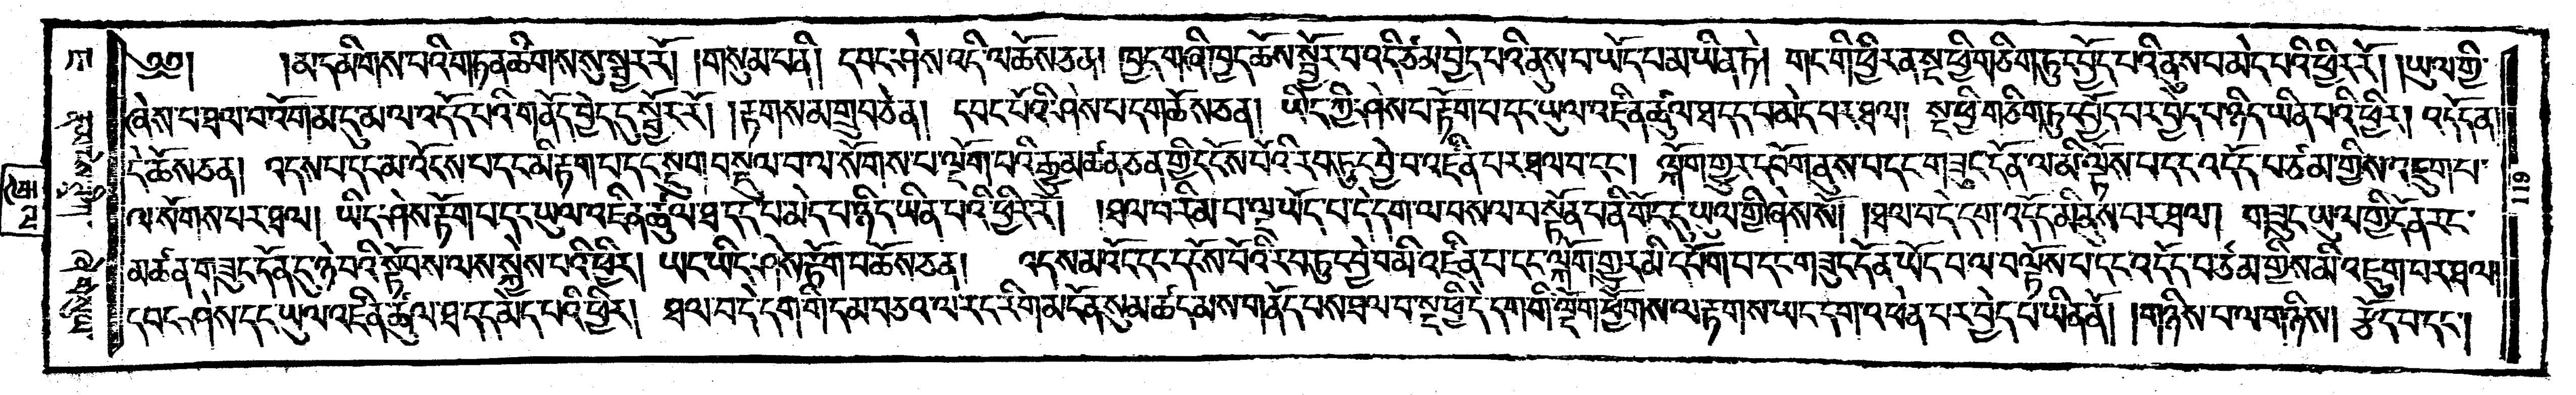༄༅། །མ་དམིགས་པའི་གཏན་ཚིགས་སུ་སྦྱར་རོ། །གསུམ་པ་ནི། དབང་ཤེས་འདི་ལ་ཆོས་ཅན། ཁྱད་གཞི་ཁྱད་ཆོས་སྦྱོར་བ་འདི་ཙམ་བྱེད་པའི་ནུས་པ་ཡོད་པ་མ་ཡིན་ཏེ། གང་གི་ཕྱིར་ན་སྔ་ཕྱི་གཅིག་ཏུ་དཔྱོད་པའི་ནུས་པ་མེད་པའི་ཕྱིར་རོ། །ཡུལ་གྱི་
ཞེས་པ་ཐལ་བ་འོག་མ་དུ་མ་ལ་འདོད་པའི་གནོད་བྱེད་དུ་སྦྱོར་རོ། །རྟགས་མ་གྲུབ་ཅེ་ན། དབང་པོའི་ཤེས་པ་དག་ཆོས་ཅན། ཡིད་ཀྱི་ཤེས་པ་རྟོག་པ་དང་ཡུལ་འཛིན་ཚུལ་ཐ་དད་པ་མེད་པར་ཐལ། སྔ་ཕྱི་གཅིག་ཏུ་དཔྱོད་པར་བྱེད་པ་ཉིད་ཡིན་པའི་ཕྱིར། འདོད་ན།
དེ་ཆོས་ཅན། འདས་པ་དང་མ་འོངས་པ་དང་མི་རྟག་པ་དང་སྡུག་བསྔལ་བ་ལ་སོགས་པ་ལྡོག་པའི་རྒྱུ་མཚན་ཅན་གྱི་དངོས་པོའི་རབ་ཏུ་དབྱེ་བ་འཛིན་པར་ཐལ་བ་དང་། ལྐོག་གྱུར་དཔོག་ནུས་པ་དང་གཟུང་དོན་ལ་མི་ལྟོས་པ་དང་འདོད་པ་ཙམ་གྱིས་འཇུག་པ་
ལ་སོགས་པར་ཐལ། ཡིད་ཤེས་རྟོག་པ་དང་ཡུལ་འཛིན་ཚུལ་ཐ་དད་པ་མེད་པ་ཉིད་ཡིན་པའི་ཕྱིར་རོ། །ཐལ་བ་རིམ་པ་ལྔ་ཡོད་པ་དེ་དག་ལ་བསལ་བ་སྟོན་པ་ནི་གོང་དུ་ཡུལ་གྱི་ཞེས་སོ། །ཐལ་བ་དེ་དག་འདོད་མི་ནུས་པར་ཐལ། གཟུང་ཡུལ་གྱི་དོན་རང་
མཚན་གཟུང་དོན་དུ་ཉེ་བའི་སྟོབས་ལས་སྐྱེས་པའི་ཕྱིར། ཡང་ཡིད་ཤེས་རྟོག་པ་ཆོས་ཅན། འདས་མ་འོང་དང་དངོས་པོའི་རབ་ཏུ་དབྱེ་བ་མི་འཛིན་པ་དང་ལྐོག་གྱུར་མི་དཔོག་པ་དང་གཟུང་དོན་ཡོད་པ་ལ་བལྟོས་པ་དང་འདོད་པ་ཙམ་གྱིས་མི་འཇུག་པར་ཐལ།
དབང་ཤེས་དང་ཡུལ་འཛིན་ཚུལ་ཐ་དད་མེད་པའི་ཕྱིར། ཐལ་བ་དེ་དག་གི་དམ་བཅའ་ལ་རང་རིག་མངོན་སུམ་ཚད་མས་གནོད་པས་ཐལ་བ་སྔ་ཕྱི་དེ་དག་གི་ལྡོག་ཕྱོགས་ལ་རྟགས་ཡང་དག་འཕེན་པར་བྱེད་པ་ཡིན་ནོ། །གཉིས་པ་ལ་གཉིས། རྩོད་པ་དང་།